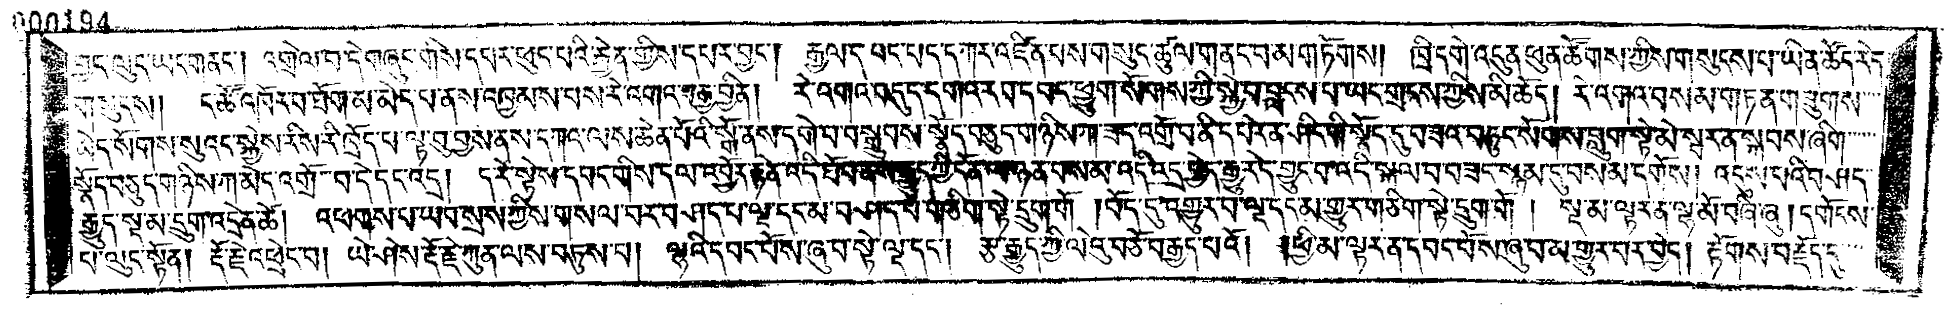བྱང་ལུང་ཡང་གནང་། འགྲེལ་བ་དེ་གཞུང་གིས་དཔར་ཕུང་པའི་རྐྱེན་གྱིས་དཔར་བྱང་། རྒྱལ་དབང་པད་དཀར་འཛིན་པས་གསུང་ཚུལ་གནང་བ་མ་གཏོགས། ཁྲི་དགེ་འདུན་ཕུན་ཚོགས་ཀྱིས་གསུངས་པ་ཡིན་ཚོད་རེད་
གསུངས། ང་ཚོ་འཁོར་བ་ཐོག་མ་མེད་པ་ནས་འཁྱམས་པས་རེ་འགའ་བརྒྱ་བྱིན། རེ་འགའ་བདུད་དགའ་རབ་དབང་ཕྱུག་སོགས་ཀྱི་སྐྱེ་བ་བླངས་པ་ཡང་གྲངས་ཀྱིས་མི་ཆོད། རེ་འགའ་བསམ་གཏན་གཟུགས་
མེད་སོགས་སུའང་སྐྱེས་རིས་རི་ཁྲོད་པ་ལྟ་བུ་བྱས་ནས་དཀའ་ལས་ཆེན་པོའི་སྒོ་ནས་དགེ་བ་བསྒྲུབས་སྣོད་བཅུད་གཉིས་ཀ་ཟད་འགྲོ་བ་ནི་དཔེར་ན་ཤིང་གི་སྣོད་དུ་བཟའ་བཏུང་སོགས་བླུག་སྟེ་མེ་སྦར་ན་སྐབས་ཞིག་
སྣོད་བཅུད་གཉིས་ཀ་མེད་འགྲོ་བ་དེ་དང་འདྲ། ད་རེ་སྟེས་དབང་གིས་དལ་འབྱོར་རྟེན་འདི་ཐོབ་ནས་རྒྱུད་ཀྱི་དོན་ལ་ཉན་བསམ་འདི་འདྲ་བྱེད་རྒྱུ་རེད་བྱུང་བ་འདི་སྐལ་པ་བཟང་སྙམ་དུ་བསམ་དགོས། འདུས་པའི་བཤད་
རྒྱུད་སྔ་མ་དྲུག་འདྲེན་ཚེ། འཕགས་པ་ཡབ་སྲས་ཀྱིས་གསལ་བར་བཤད་པ་ལྔ་དང་མ་བཤད་པ་གཅིག་སྟེ་དྲུག་གོ །བོད་དུ་འགྱུར་བ་ལྔ་དང་མ་གྱུར་གཅིག་སྟེ་དྲུག་གོ །སྔ་མ་ལྟར་ན་ལྷ་མོ་བཞི་ཞུ། དགོངས་
པ་ལུང་སྟོན། རྡོ་རྗེ་འཕྲེང་བ། ཡེ་ཤེས་རྡོ་རྗེ་ཀུན་ལས་བཏུས་པ། ལྷའི་དབང་པོས་ཞུ་པ་སྟེ་ལྔ་དང་། རྩ་རྒྱུད་ཀྱི་ལེའུ་བཅོ་བརྒྱད་པའོ། །ཕྱི་མ་ལྟར་ན་དབང་པོས་ཞུ་བ་མ་གྱུར་བར་བྱེད། རྟོགས་བརྗོད་དུ་